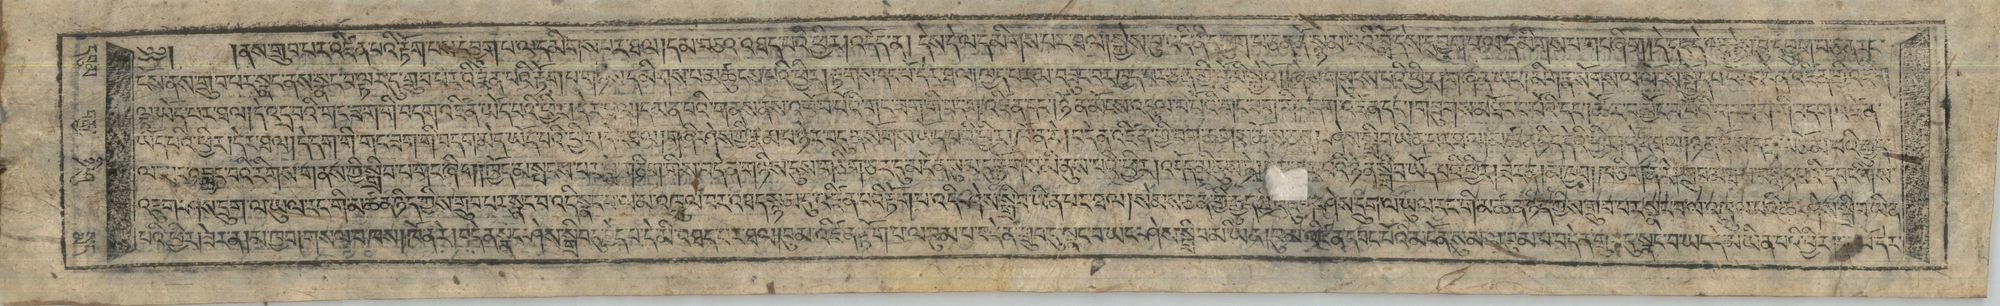༄༅། །ནས་གྲུབ་པར་འཛིན་པའི་རྟོག་པས་དབྱུག་པ་ལ་དམིགས་པར་ཐལ། དམ་བཅའ་འཐད་པའི་ཕྱིར། འདོད་ན། དེས་དེ་ལ་དམིགས་པར་ཐལ། སྐྱེས་བུ་འདི་ནི་དབྱུག་པ་ཅན་ནོ་སྙམ་པའི་བློ་དེས་དབྱུག་པ་ལ་དམིགས་པ་གང་ཞིག །དེ་དང་དེ་ལ་སྐྱེས་བུ་དབྱུག་པ་ཅན་རང་
ངོས་ནས་གྲུབ་པར་སྣང་ནས་སྣང་བ་ལྟར་དུ་གྲུབ་པར་འཛིན་པའི་རྟོག་པ་གཉིས་དམིགས་པ་མཚུངས་པའི་ཕྱིར། རྟགས་དང་པོ་དེར་ཐལ། ཁྱད་པར་མ་བཟུང་བར་ཁྱད་པར་ཅན་གྱི་བློ་མི་སྐྱེའོ། །ཞེས་གསུངས་པའི་ཕྱིར། གཞན་ཡང་། མིག་རྣ་སོགས་ལ་ལོངས་སྤྱོད་པ་པོར་བདེན་འཛིན་གྱི་འཇིག་
ལྟ་ཡོད་པར་ཐལ། དེ་འདྲ་བའི་གང་ཟག་གི་བདག་འཛིན་ཡོད་པའི་ཕྱིར། དེར་ཐལ། དམན་པའི་གནས་ནས་འཕོ་བ་པོའི་གང་ཟག་གི་བདག་འཛིན་དང་། ཉོན་མོངས་འདུལ་བ་པོའི་གང་ཟག་གི་བདག་འཛིན་དང་། གཟུགས་མཐོང་བ་པོའི་དང་། ཚོར་བ་མྱོང་བ་པོའི་གང་ཟག་གི་བདག་འཛིན་
ཡོད་པའི་ཕྱིར། དེར་ཐལ། དེ་དག་གི་གང་ཟག་གི་བདག་མེད་ཡོད་པའི་ཕྱིར། དེར་ཐལ། གཞི་ཤེས་ཀྱི་རྣམ་པ་ཉེར་བདུན་སོགས་ཡོད་པའི་ཕྱིར། ཁོ་ན་རེ། བདེན་འཛིན་གྱི་བག་ཆགས་ཆོས་ཅན། ཤེས་སྒྲིབ་ཡིན་པར་ཐལ། མཚན་ཉིད་དེའི་ཕྱིར། དེར་ཐལ། ཉན་ཐོས་དགྲ་བཅོམ་པའི་རྒྱུད་
ལ་ཡང་འབྱུང་བའི་རིགས་གནས་ཀྱི་སྒྲིབ་པ་གང་ཞིག །ཁྱོད་མ་སྤངས་པར་བློ་གཅིག་གིས་བདེན་གཉིས་དུས་གཅིག་ཅར་དུ་མངོན་སུམ་དུ་རྟོགས་མི་ནུས་པའི་ཕྱིར། འདོད་མི་ནུས་ཏེ། དེར་གྱུར་པའི་ཉོན་སྒྲིབ་ཡོད་པའི་ཕྱིར། ཟེར་ན། མ་ཁྱབ། ཁ་ཅིག་ན་རེ། གྲུབ་མཐས་བསླད་པའི་དབང་གིས་
འཇུག་ཤེས་དྲུག་ལ་ཡུལ་རང་གི་མཚན་ཉིད་ཀྱིས་གྲུབ་པར་སྣང་བ་འདི་སྣང་བ་ལམ་འཁྲུལ་བར་འཐད་སྙམ་དུ་འཛིན་པའི་རྟོག་པ་འདི་ཤེས་སྒྲིབ་ཡིན་པར་ཐལ། སེམས་ཅན་གྱི་རྒྱུད་ཀྱི་འཇུག་ཤེས་དྲུག་ལ་ཡུལ་རང་གི་མཚན་ཉིད་ཀྱིས་གྲུབ་པར་སྣང་བ་ལ་འཁྲུལ་པའི་ཆ་ཤེས་སྒྲིབ་ཡིན་
པའི་ཕྱིར། ཟེར་ན། མ་ཁྱབ། གསལ་བ་ཁས། ཁོ་ན་རེ། བདེན་སྣང་ཤེས་སྒྲིབ་དུ་བྱེད་པ་དེ་མི་འཐད་པར་ཐལ། བུམ་འཛིན་རྟོག་པ་ལ་བུམ་པ་བདེན་གྲུབ་དུ་སྣང་བ་ཡང་ཤེས་སྒྲིབ་མ་ཡིན། བུམ་འཛིན་དབང་པོའི་མངོན་སུམ་ལ་བུམ་པ་བདེན་གྲུབ་དུ་སྣང་བ་ཡང་དེ་མ་ཡིན་པའི་ཕྱིར། དང་པོ་དེར་